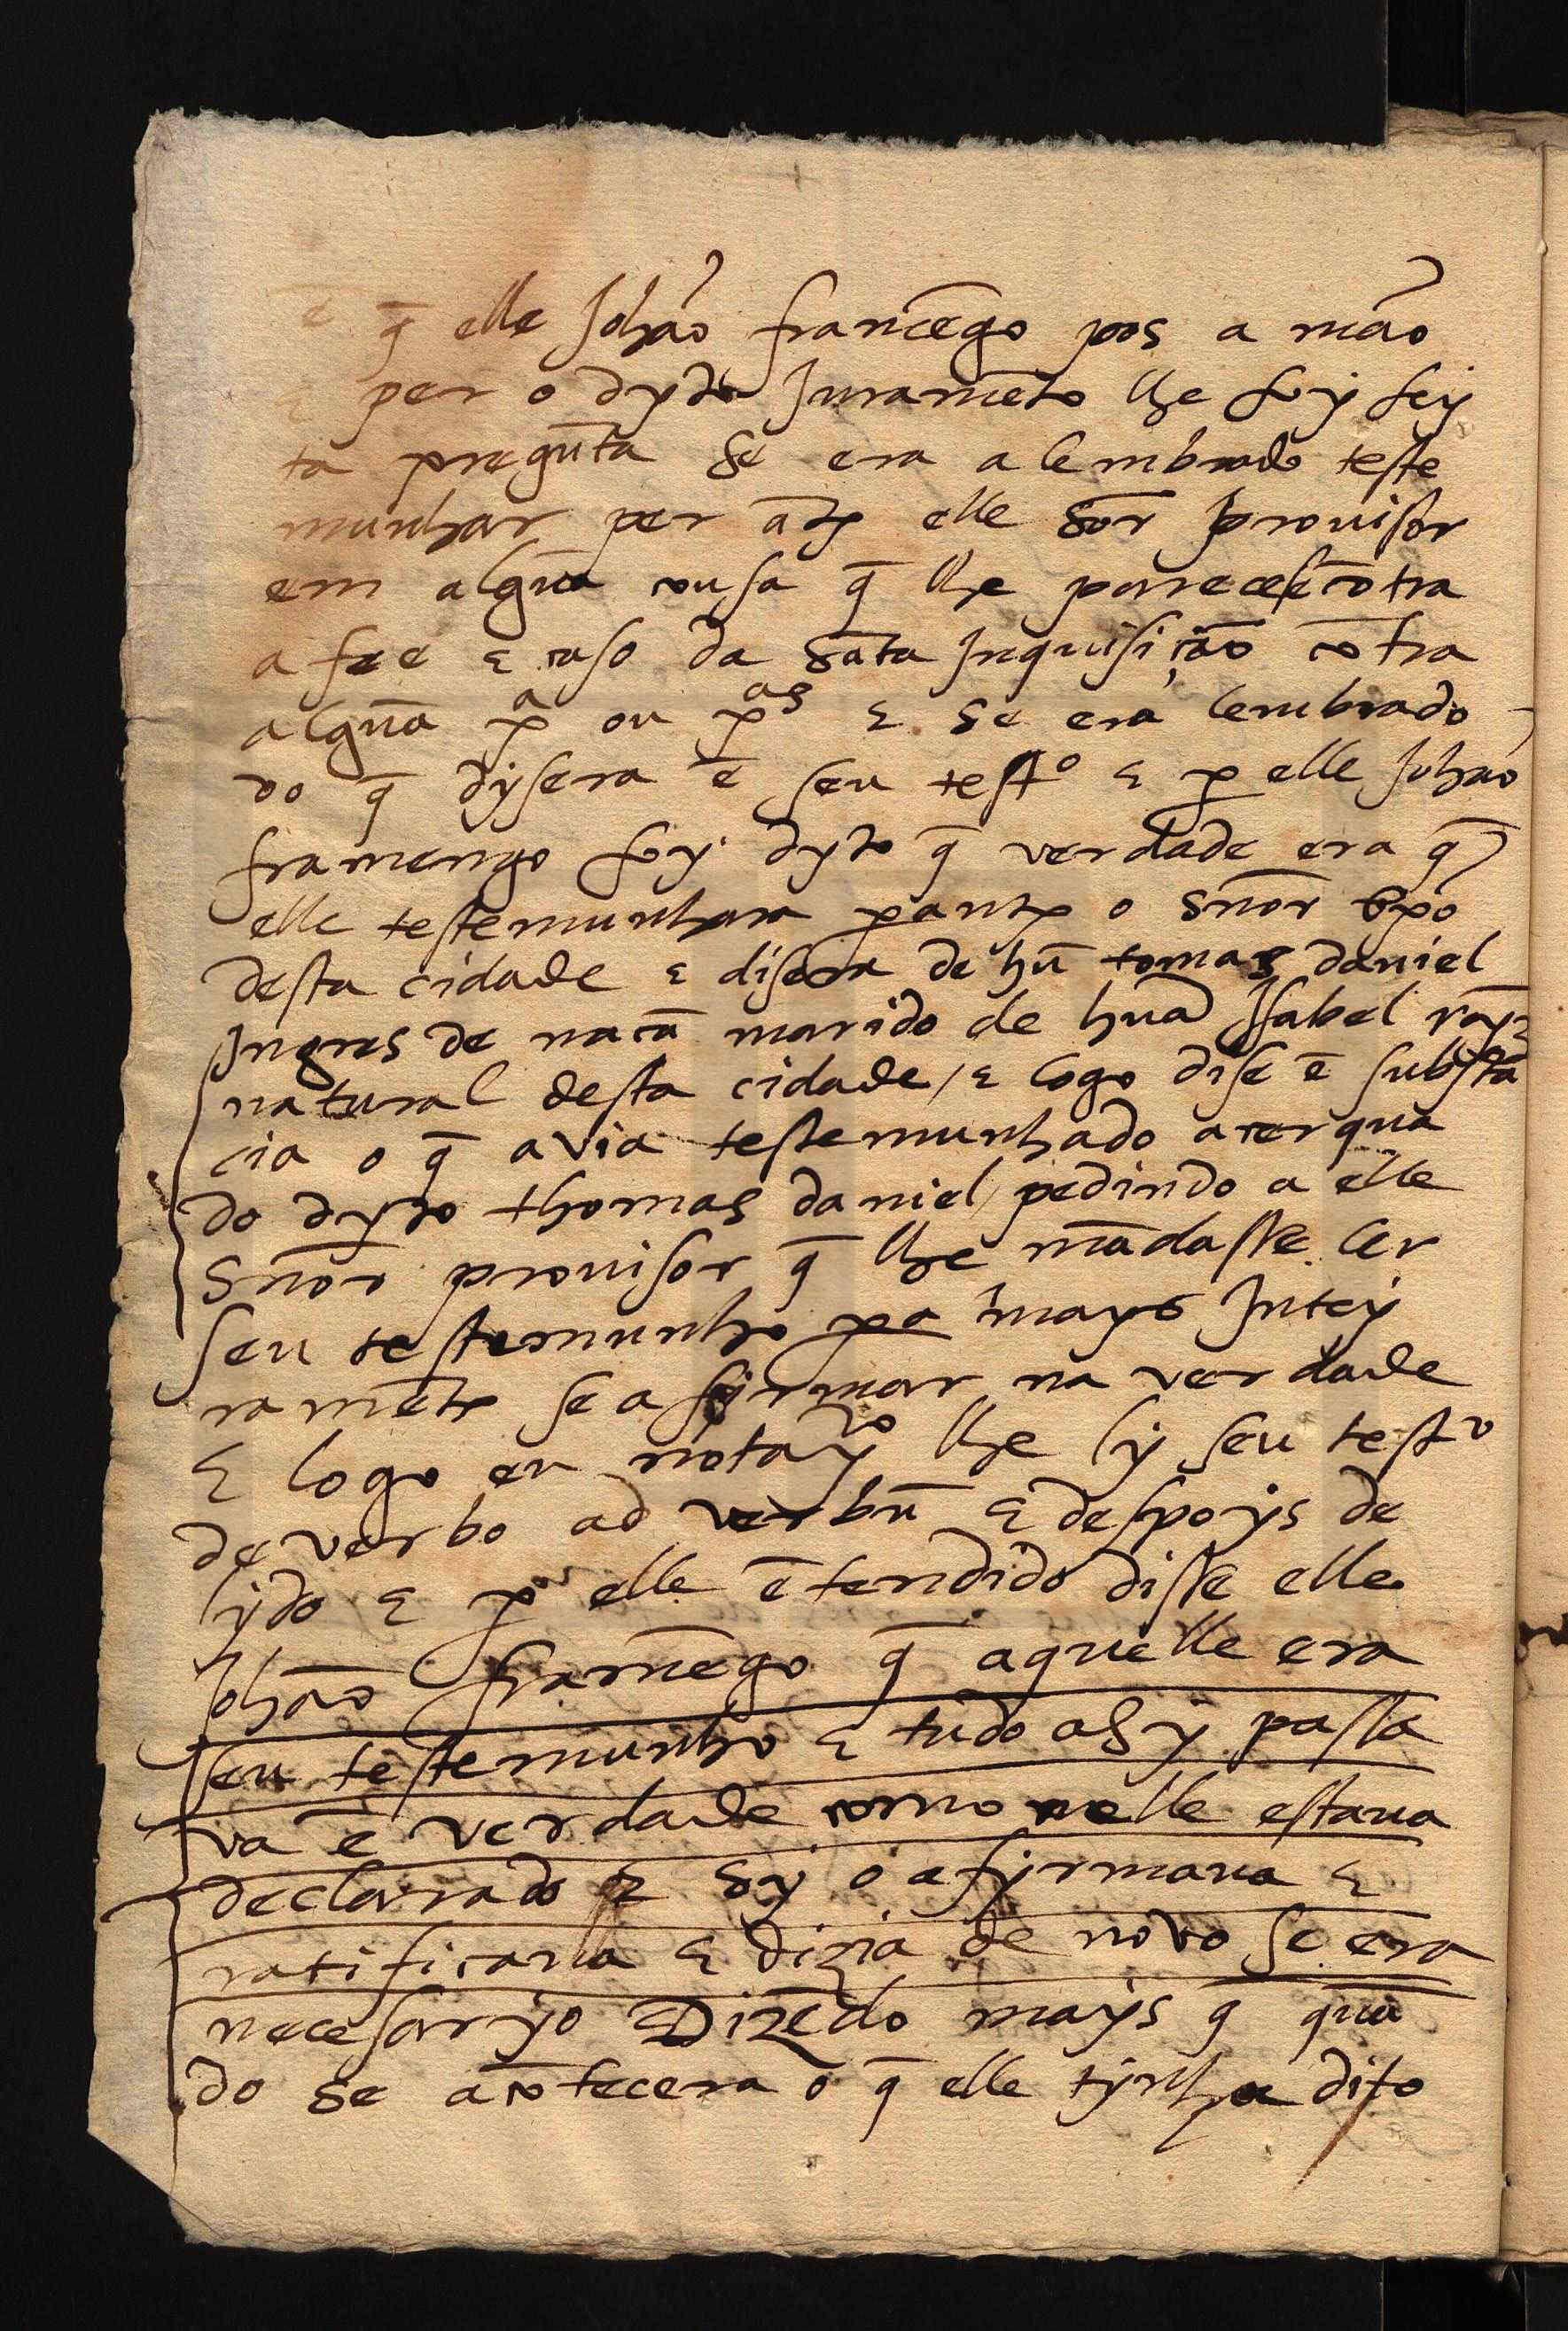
ē q̄ elle Johão framēgo pos a mão
E per o dyto Juramēto lhe foy fey
ta pregūta se era alembrado teste
munhar perātꝭ elle sōr prouisor
em alguā cousa q̄ lhe parecese cōtra
a fee E caso da sāta Jnquisição cōtra
algūa pa ou pas E se era lembrado
do q̄ dysera ē seu testo E ꝑ elle Johaõ
framengo foy dyto q̄ verdade era q̄
elle testemunhara ꝑantꝭ o sn̄or bpō
desta cidade E disera de hū tomas daniel
Jngres de naçā marido de huā Jsabel rōyz
natural desta cidade / E logo dise ē substā
cia o q̄ avia testemunhado acerqua
do dyto thomas daniel pedindo a elle
Sn̄or prouisor q̄ lhe mādasse ler
seu testemunho ꝑa mays Jntey
ramēte se afyrmar na verdade
E logo eu notayro lhe ly seu testo
de verbo ad verbū E depoys de
lydo E ꝑ elle ētendido disse elle
Johão framēgo q̄ aquelle era
seu testemunho E tudo asy passa
va ē verdade como nelle estaua
declarado E sy o afyrmaua E
ratificaua E dizia de novo se era
necesaryo Dizēdo mays q̄ quā
do se acōtecera o q̄ elle tynha dito
